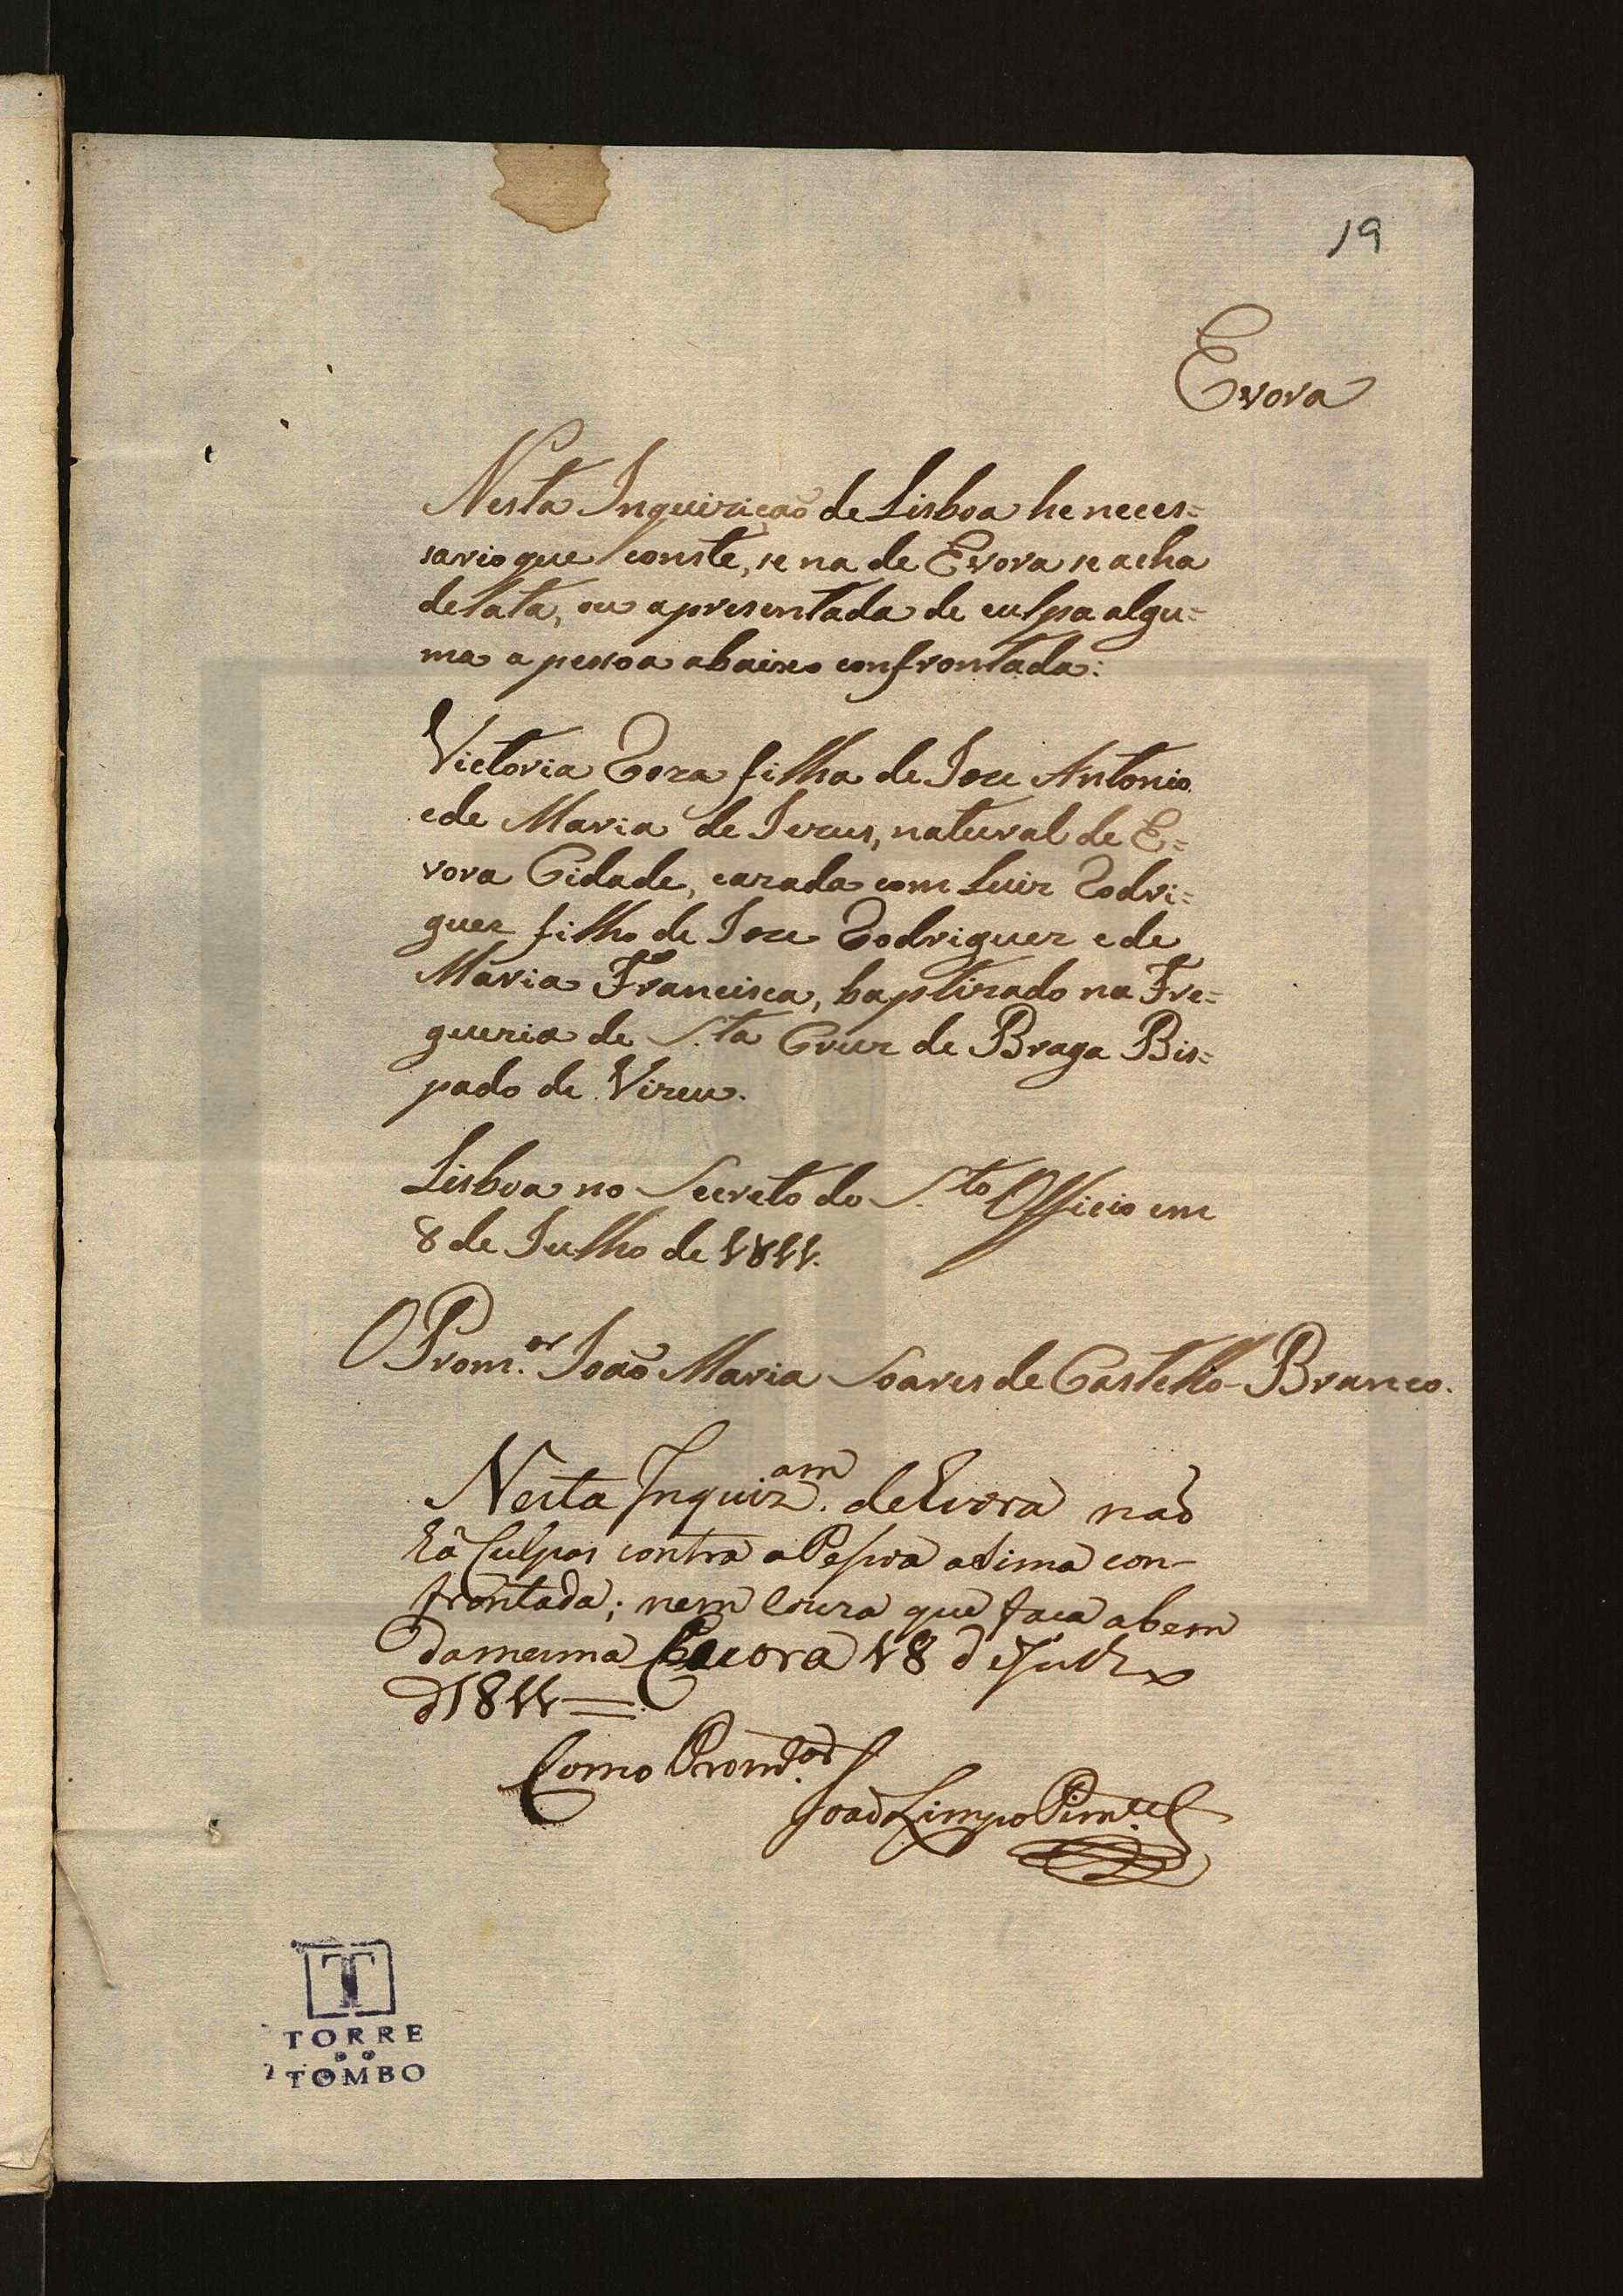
Evora
Nesta Inquiziçaõ de Lisboa he neces
tario que conste, se na de Evora, se acha
delata, ou apresentada de culpa algu
ma a pessoa abaixo confrontada:
Victoria Roza filha de Ioze Antonio.
e de Maria de Iezus, natural de E
vora Cidade, cazada com Luiz Rodri
guez filho de Ioze Rodriguez, e de
Maria Francisca, baptizado na Fre
guezia de S.ta Cruz de Braga Bis
pado de Vizeu.
Lisboa no Secreto do S.to Officio em
8 de Iulho de 1811.
O Prom.or Ioaõ Maria Soares de Castello-Branco.
Nesta Inquiz.am de Evora naõ
ha Culpas contra a Pessoa asima con
frontada; nem couza que faça a bem
da mesma. Euora 18 de Julho
d̄ 1811
Como Promt.or
Joaõ Limpo Pim.tel
